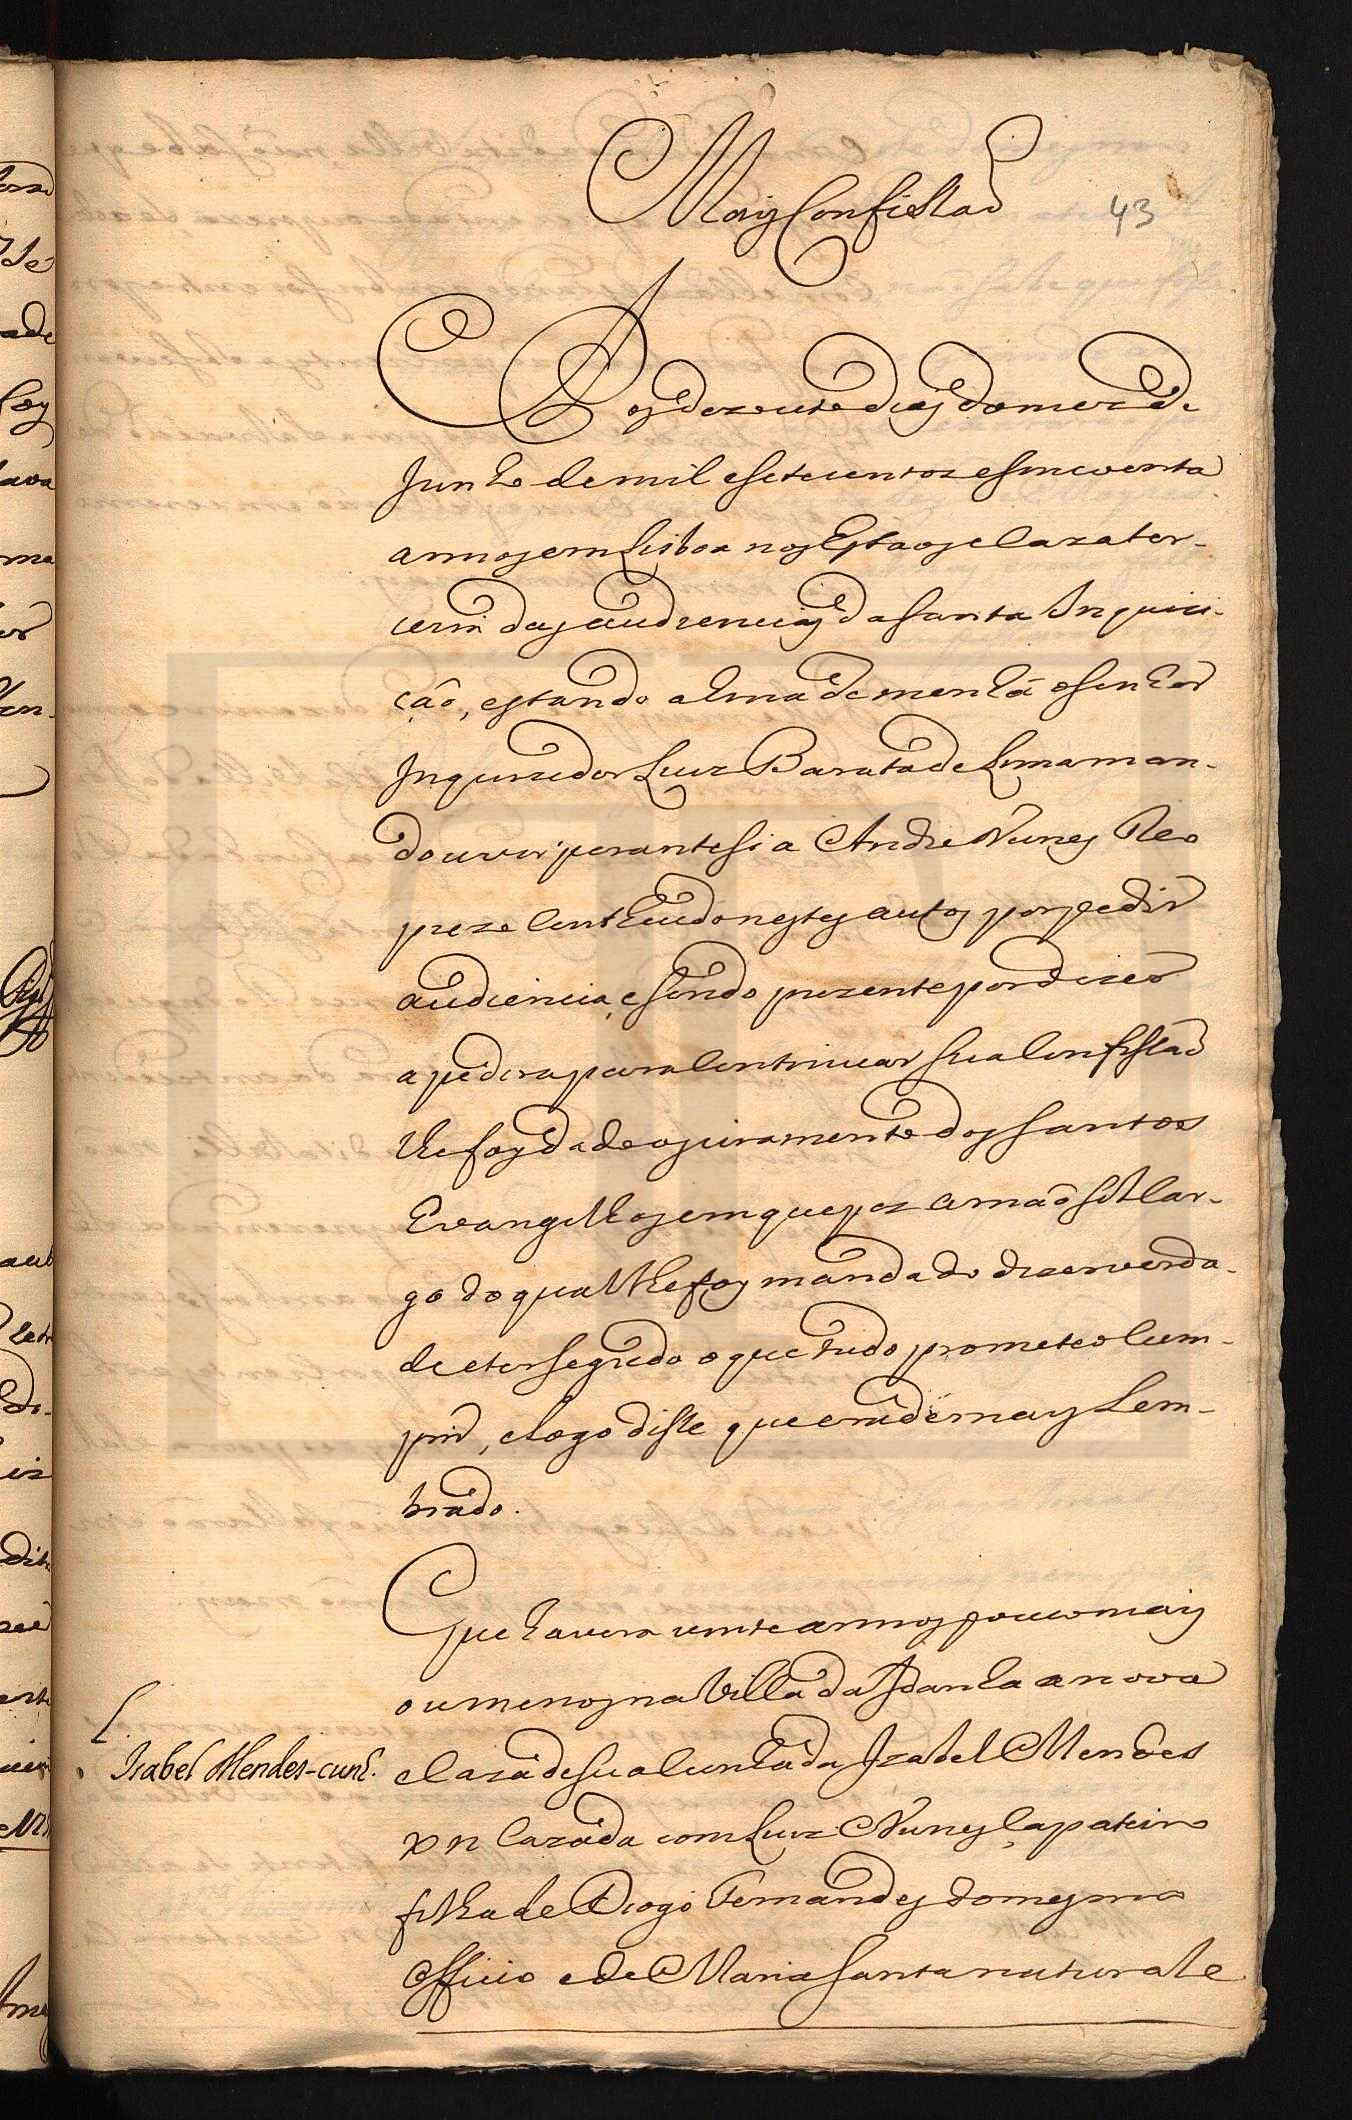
Izabel Mendes cunh.
L.
Maiz ConfiSsaõ
Aos dezouto dias do mez de
Junho de mil e setecentoz e sincoenta
annos em Lisboa nos Estaos e Caza ter
ceira das audiencias da santa Inquizi
çaõ, estando ahi na de manhã o senhor
Jnquizidor Luiz Barata de Lima man
dou vir perante si Andre Nunes Reo
prezo Contheudo nestes autos por pedir
audiencia e sendo prezente por dizer
a pedira para continuar sua Confissaõ
lhe foy dado o juramento dos santos
Evangelhos em que poz a maõ sob Car
go do qual lhe foy mandado dizer verda
de e ter segredo o que tudo prometeo Cum
prir, e logo disse que era demais Lem
brado.
E que havera vinte annos pouco mais
ou menos na Villa da Jdanha a nova
e Caza de sua Cunhada Jzabel Mendes
xn Cazada com Luiz Nunes Çapateiro
filha de Diogo Fernandes do mesmo
officio e de Maria santa natural e
